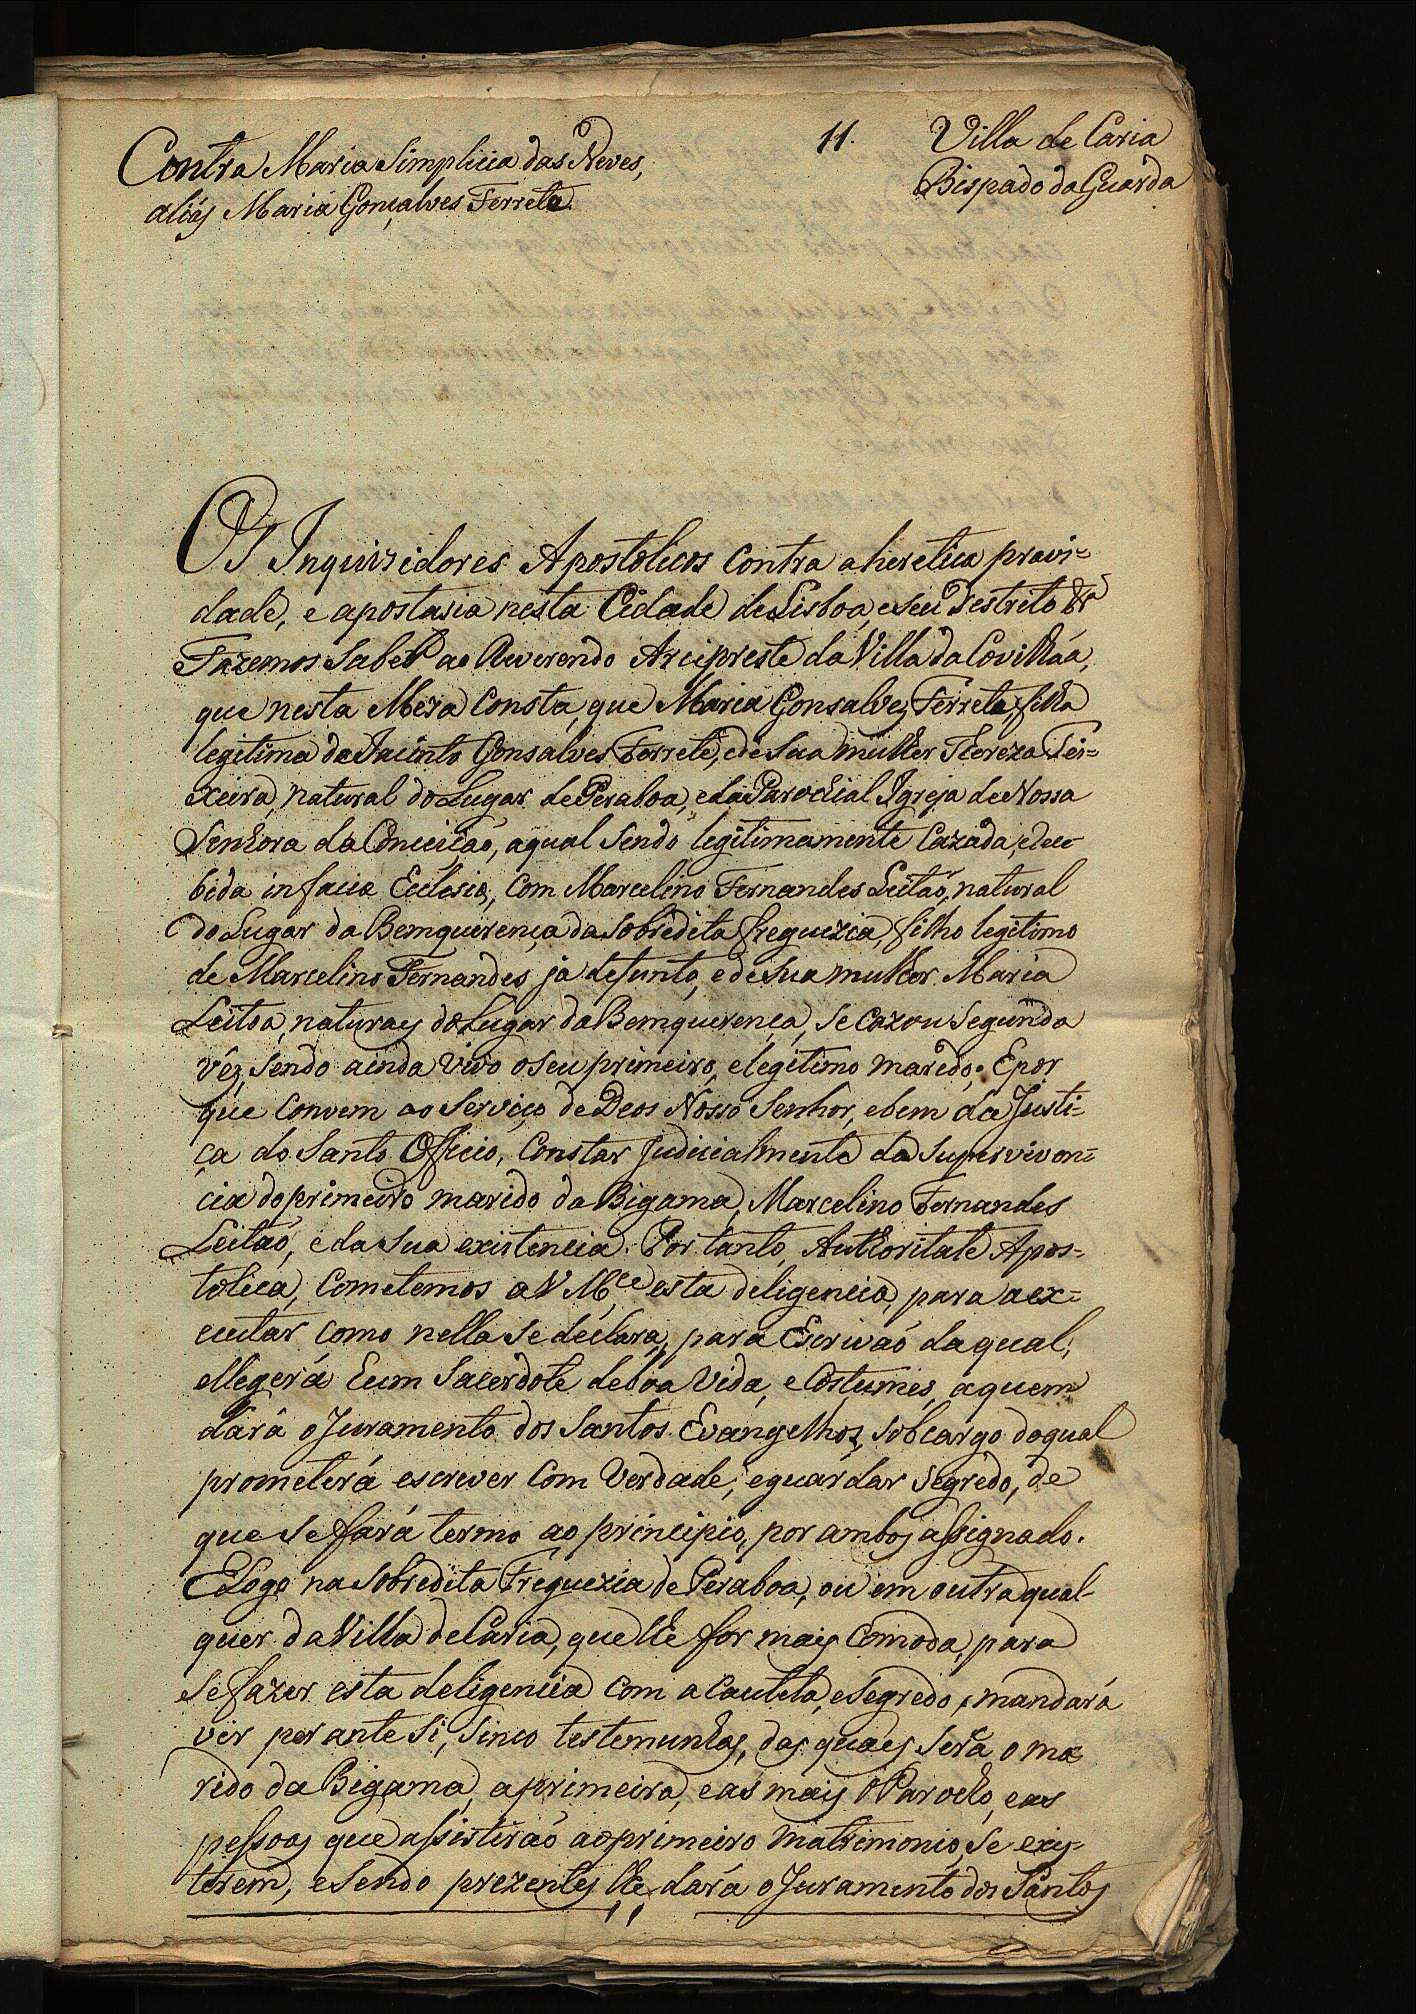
Os Inquisidores Apostolicos contra a heretica provi
dade, e apostasia nesta Cidade de Lisboa, e seu destrito &ra
Fazemos saber ao Reverendo Arcipreste da Villa da Covilhaã,
que nesta Meza consta, que Maria Gonçalvez Ferrete, filha
legitima de Iacinto Gonsalves Ferrete, e de sua mulher Thereza Tei
xeira, natural do lugar de Peraboa, e da Parochial Igreja de Nossa
Senhora da Conceiçaõ, a qual sendo legitimamente cazada, e Rece
bida in facia Ecclesia, com Marcelino Fernandes Leitaõ, natural
do lugar de Bemquerença da sobredita freguezia, filho legitimo
de Marcelino Fernandes ja defunto, e de sua mulher Maria
Leitoa, naturaes do Lugar de Bemquerença, se cazou segunda
vêz, sendo ainda vivo o seu primeiro, e legitimo marido; E por
que convem ao serviço de Deos Nosso Senhor, e bem da Justi
ça do Santo Officio, constar judicialmente da superviven
cia do primeiro marido da Bigama, Marcelino Fernandes
Leitaõ, e da sua existencia. Portanto, Authoritate Apos
tolica, cometemos a V M,ce esta deligencia, para a ex
ecutar como nella se declara, para Escrivaõ da qual;
ellegerá hum sacerdote de boa vida, e costumes, a quem
dará Juramento dos Santos Evangelhoz, sob cargo do qual
prometerá escrever com verdade, e guardar segredo, de
que se fará termo ao principio, por ambos assignado.
E logo na sobredita Freguezia de Peraboa, ou em outra qual
quer da Villa de Caria, que lhe for mais comoda, para
se fazer esta deligencia com a cautela e segredo, mandará
vir perante si, sinco testemunhas, das quaes será o ma
rido da Bigama, a primeira, e as mais o Parocho, e as
pessoas que assistiraõ ao primeiro matrimonio, se exis
tirem, e sendo prezentes lhe dará o Juramento dos Santos
